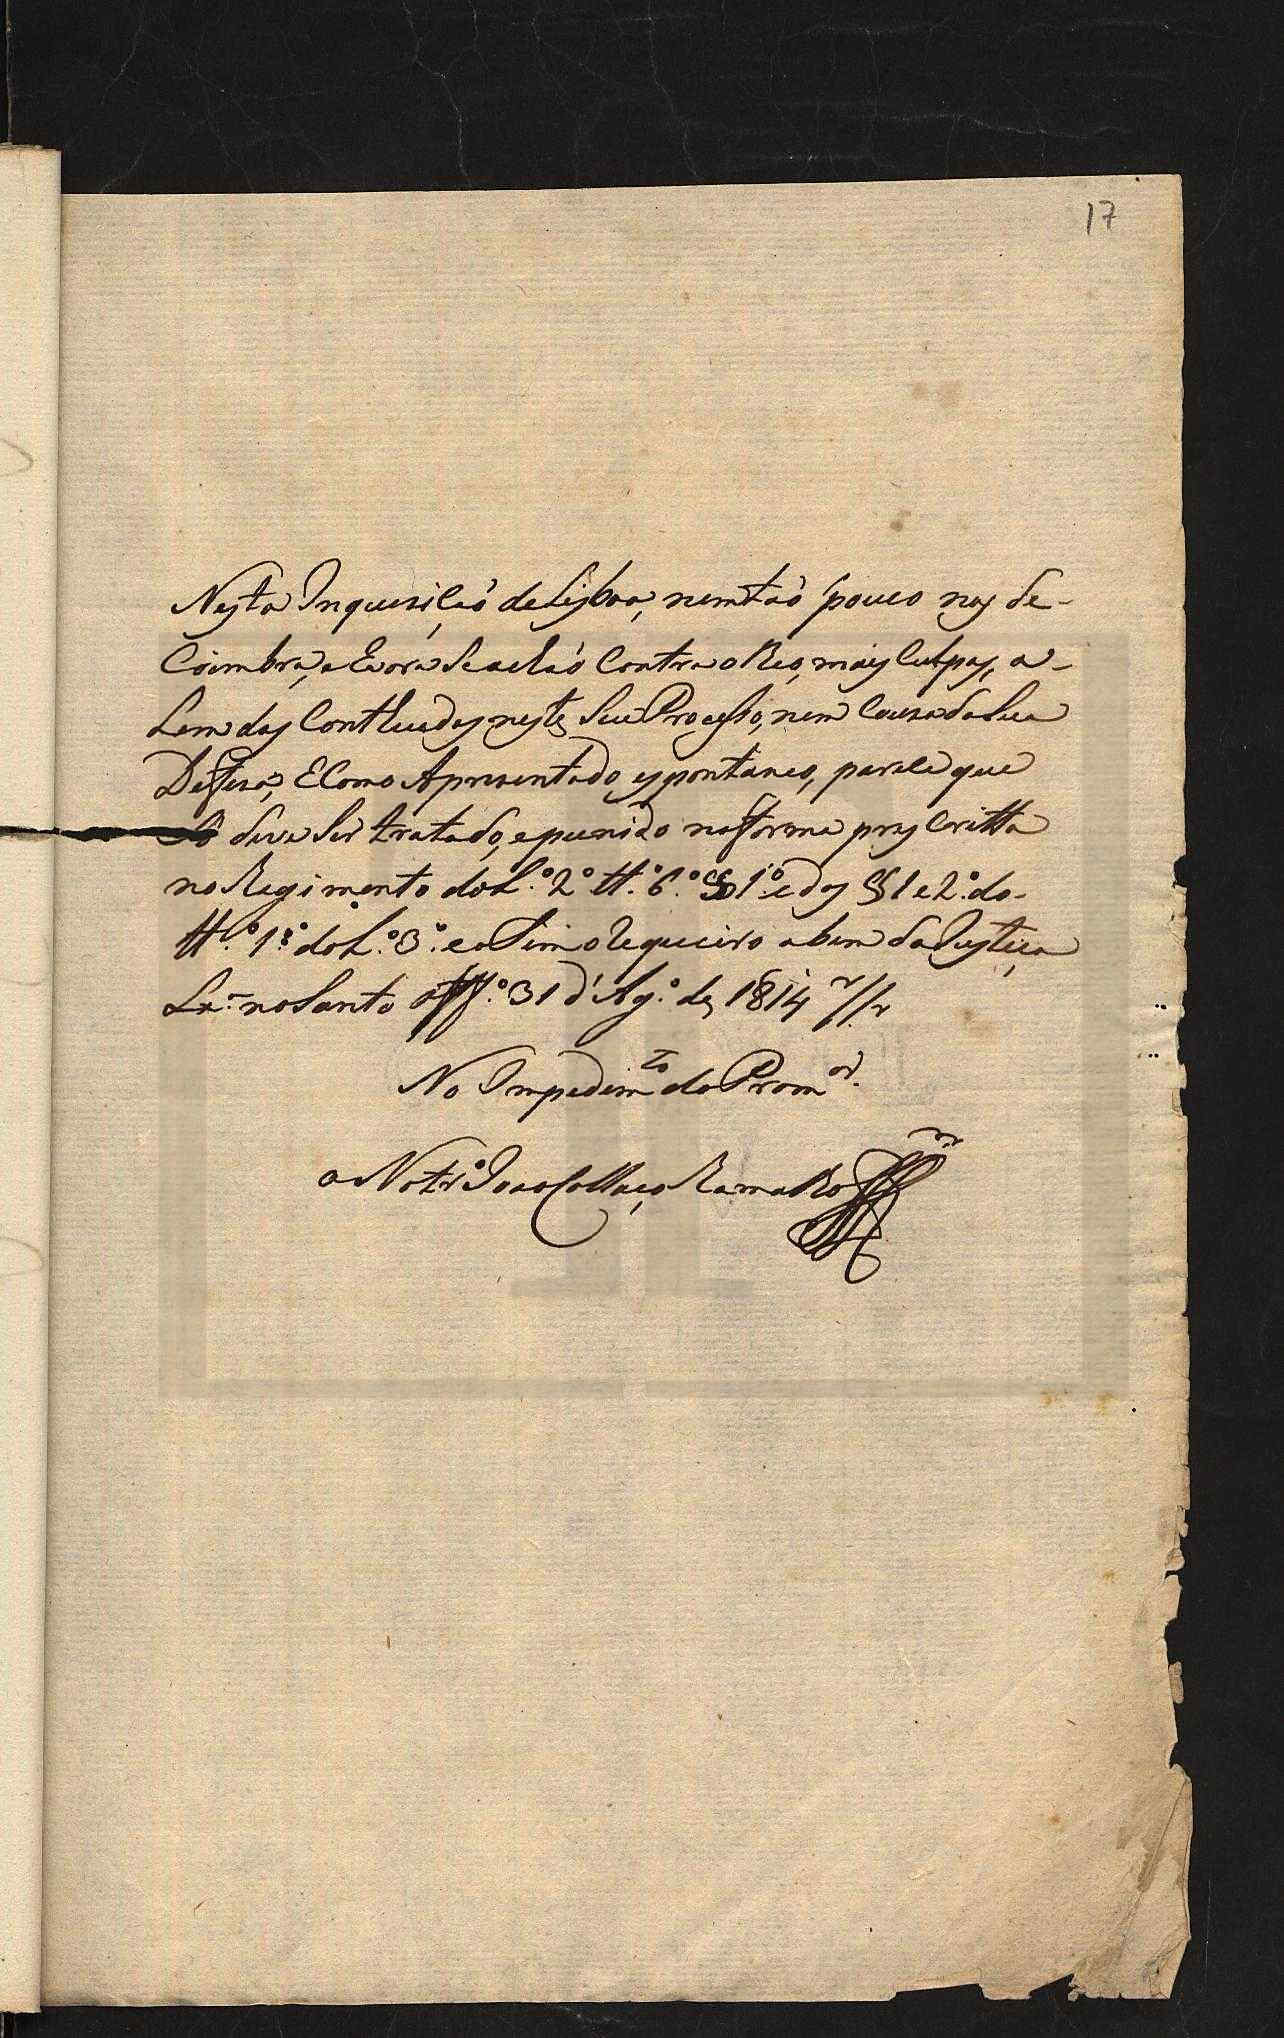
Nesta InquiziÇaõ de Lisboa, nem taõ pouco nas de
Coimbra, e Evora se achaõ Contra o Reo, mais Culpas, a
Lem das Contheudas neste Seu Processo, nem couza da Sua
Defeza, E Como Aprezentado espontaneo, parece que
Só deve Ser tratado, e punido na forma prescritta
no Regimento do L.o 2o tt.o 6.o §1o e dos §1 e 2.o do
tt.o 1.o do L.o 3.o e aSim o Requeiro a bem da Iustiça
Lx.a no Santo off.o 31 d'Ag.o de 1814 r//r
No Impedim.to do Promor.
o Notro Ioao Collaço Ramalho
